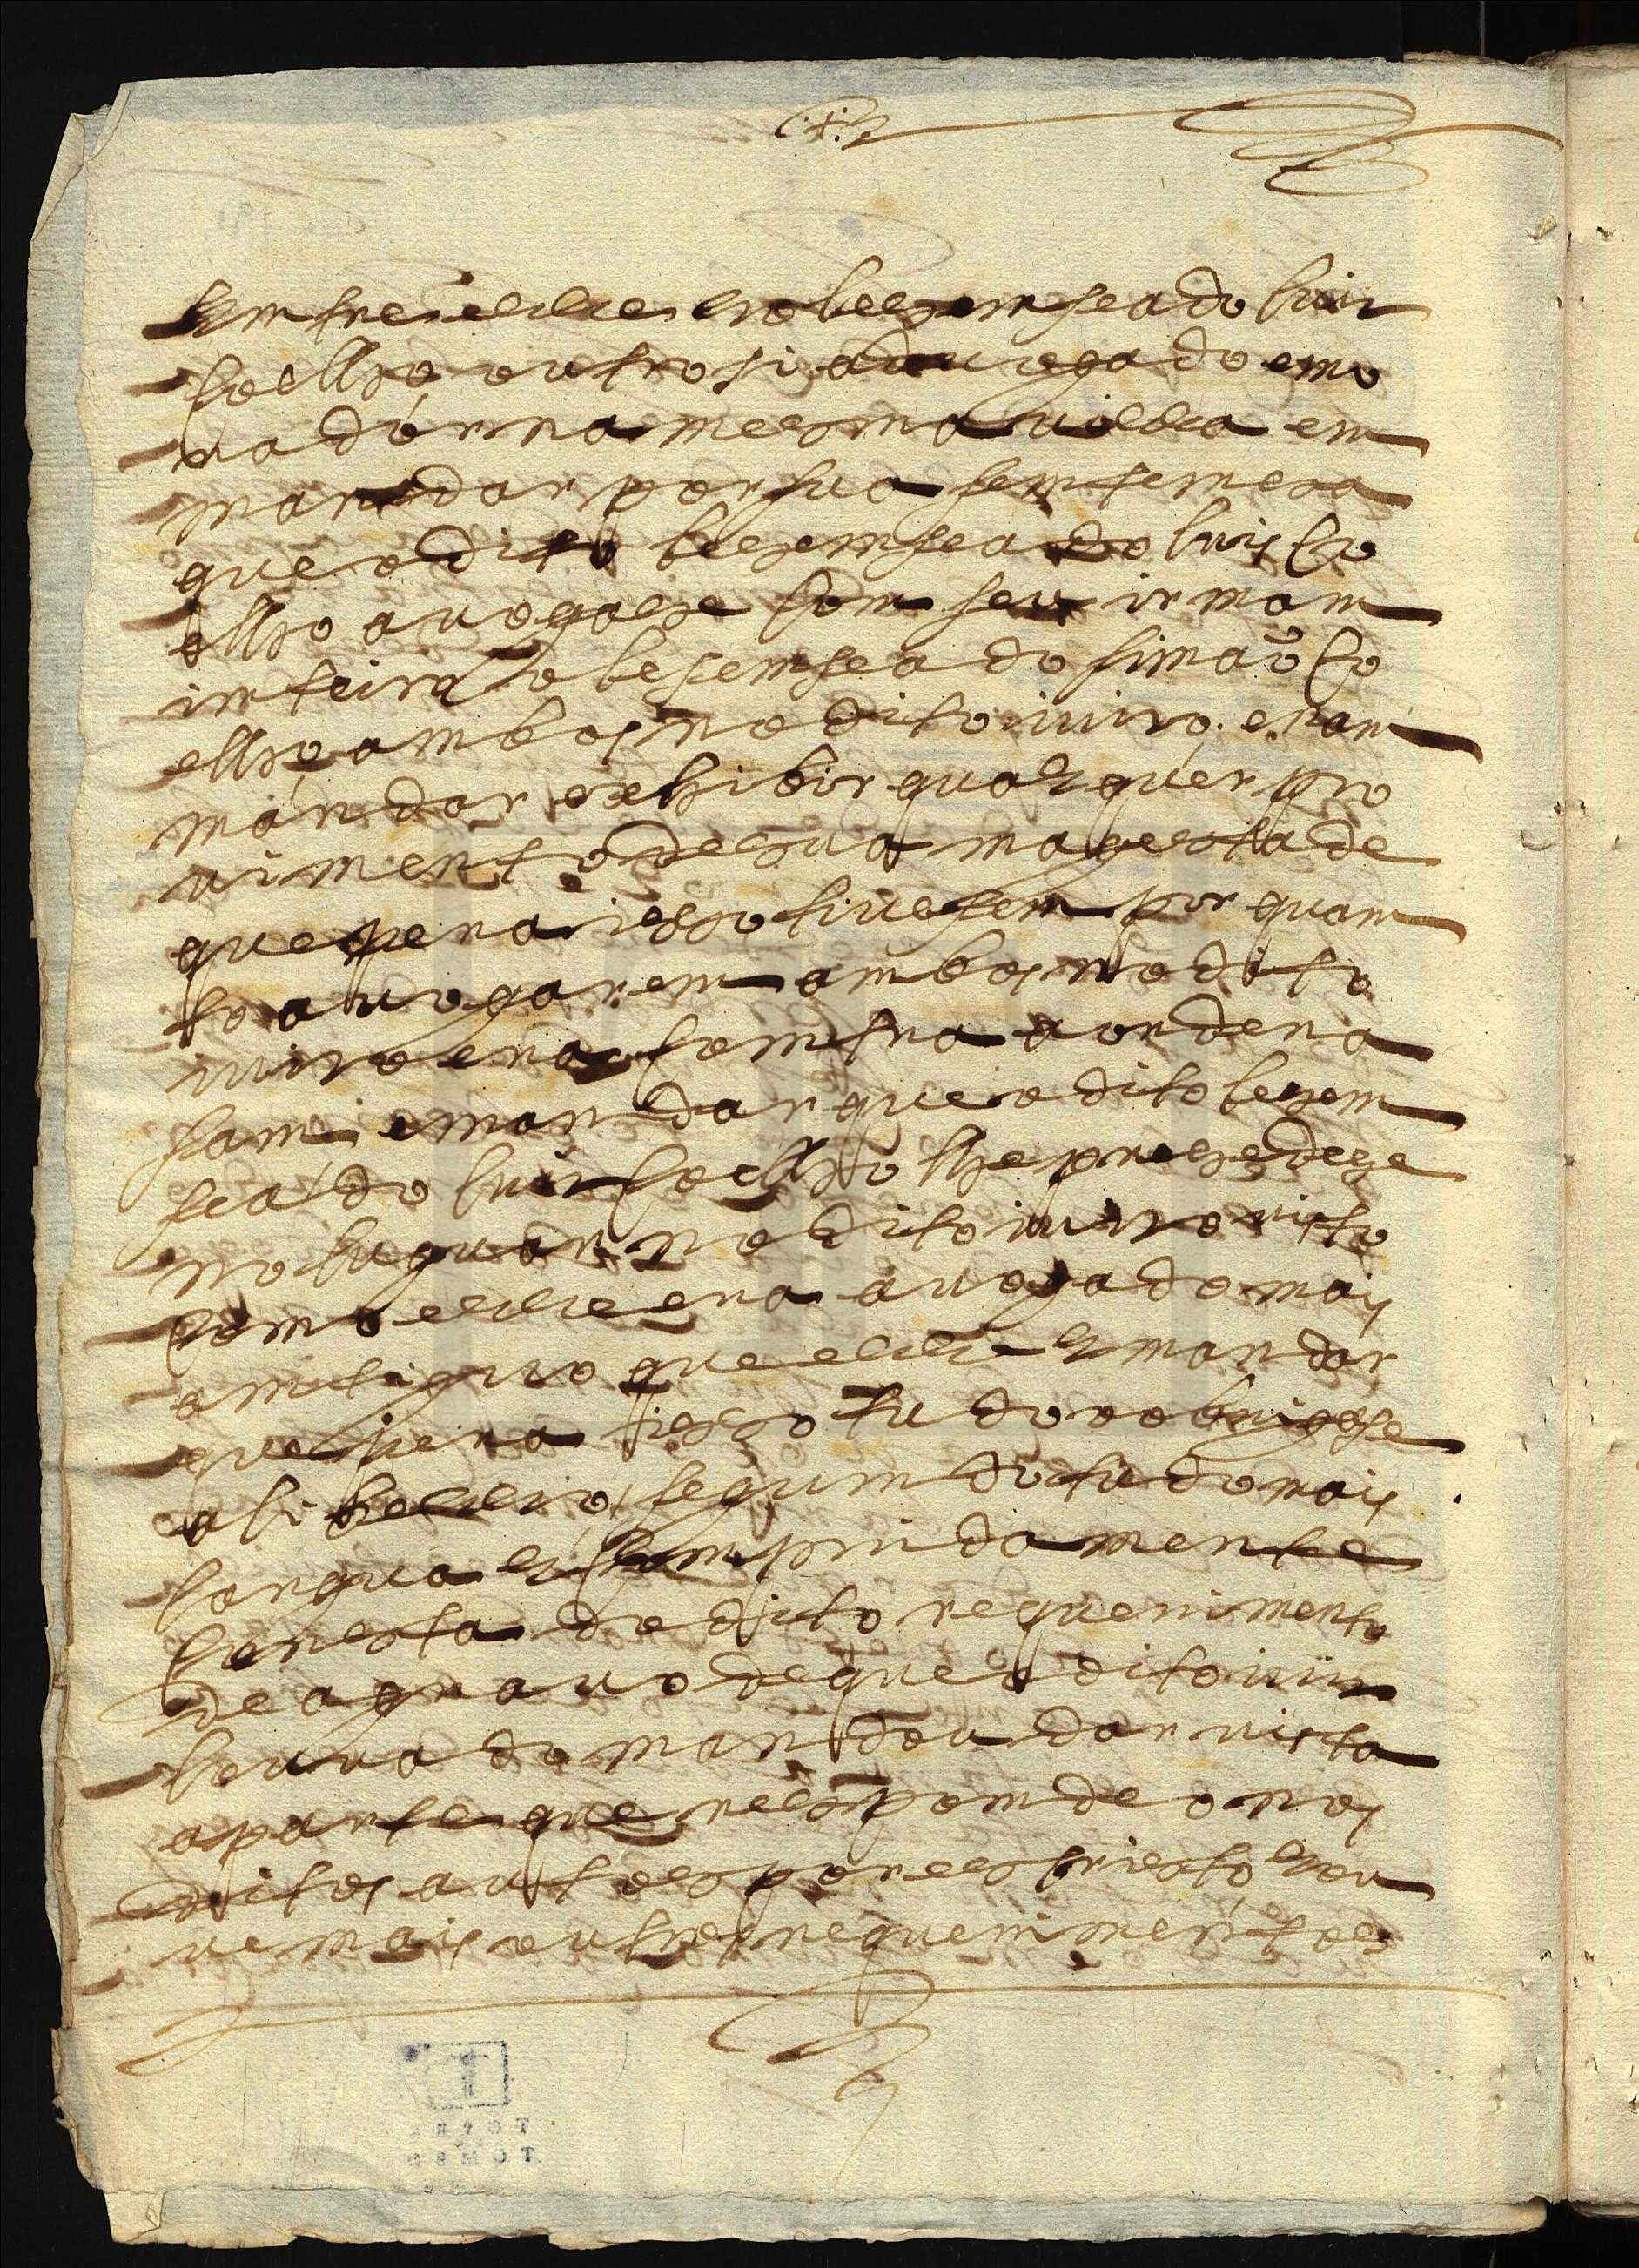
Emtre e Elle E o lesemseado luiz
Coelho, outrosi aduogado e mo
rador na mesma uilla em
mandar por sua semtemsa
que o ditto lesemseado luis Co
elho auogase Com seu irmam
imteiro o lesemseado simaõ Co
elho, ambos no dito iuizo, e nam
mandar exhibir qualquer pro
uimento de sua magestade
que pera isso tiuesem por quam
to auogarem ambos no dito
iuizo era Comtra a ordena
sam e mandar que o dito lesem
seado luiz Coelho lhe presedese
no luguar no dito iuizo uisto
Como elle era auogado mais
amtiguo que elle E mandar
que pera isso tudo o obrigase
a libello segumdo tudo mais
longua E Compridamente
Consta do dito requerimento
de agrauo de que o dito iuiz
louuado mandou dar uista
a parte que respomdeo nos
ditos autos por escristo, E ou
ue mais outros requerimentos
